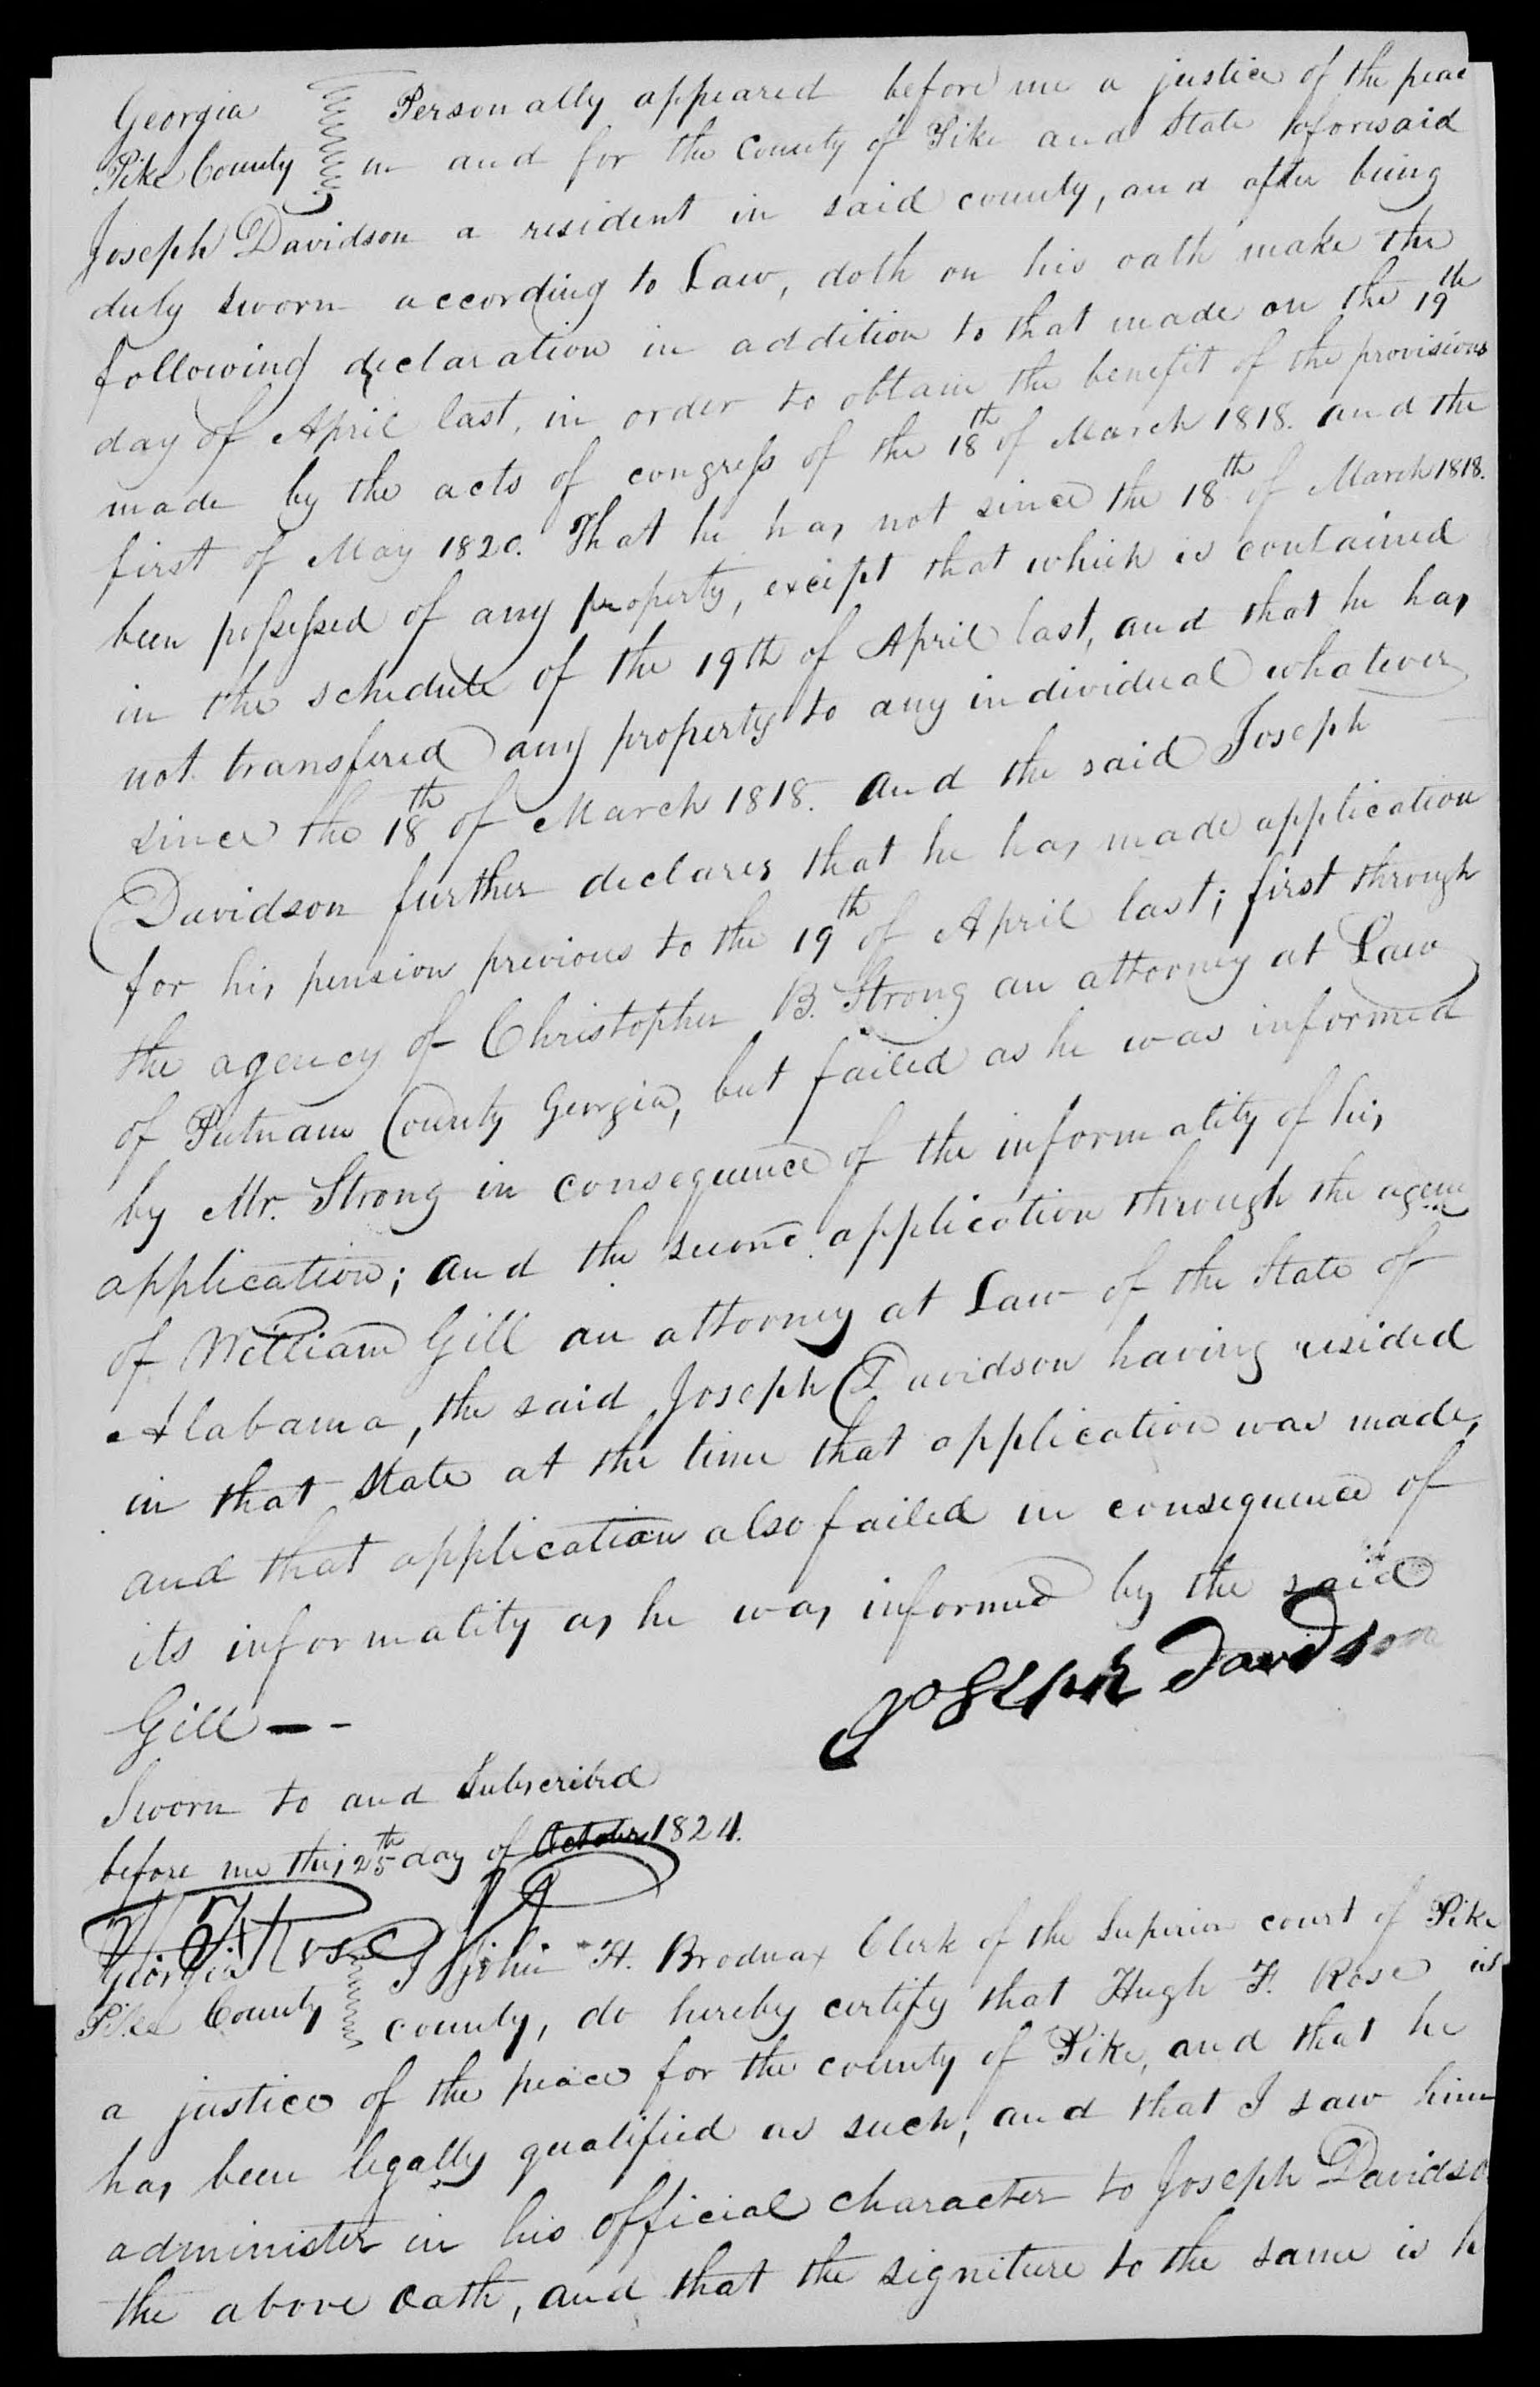Georgia Pike County
Personally appeared before me a justice of the peace for the County of Pike and State aforesaid Joseph Davidson a resident in said county, and after being duty sworn according to Law, doth on his oath make the following declaration in addition to that made on the 19th day of April last, in order to obtain the benefit of the provisions made by acts if congress of the 18th of March 1818. And the first of May 1820. That he has not since the 18th of March 1818 been possessed of any property, except of that which is contained in the schedule of the 19th of April last, and  that he has not transfered [transferred] any property to any individual whatever since the 18th of March 1818. And the said Joseph Davidson further declares that he has made application for his pension previous to the 19th of April last; first through the agency of Christopher B. Strong an attorney at Law of Putnam County Georgia, but failed as he was informed by Mr. Strong in consequence of the informality of his application; and the second application through the agency of William Gill and attorney at Law of the State of Alabama, the said Joseph Davidson having resided in that state at the time that application was made and that application also failed in consequence of its informality as he was informed by the said Gill- -
Joseph Davidson [signature]
Sworn to and subscribed before me this 25th day of October 1824
Hugh F. Rose [signature] 
[illegible signature - initials of John H. Brodnax?]
{Georgia, Pike County 
I, John H Brodnax Clerk of the Superior court of Pike county, do hereby certify that Hugh F. Rose is a justice of the peace for the county of Pike, and that he has been legally qualified as such, and that I saw him administer in his official character to Joseph Davidson  the above oath, and that the signiture [signature] to the same is him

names: William Gill, Gill, Joseph Davidson, Joseph Davidson, Hugh F Rose, Joseph Davidson, Joseph Davidson, Joseph Davidson, John H Brodnax, H F Rose, Strong, Christopher B Strong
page: 3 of 63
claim: widow's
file: W. 4175, Joseph Davidson, N.C.